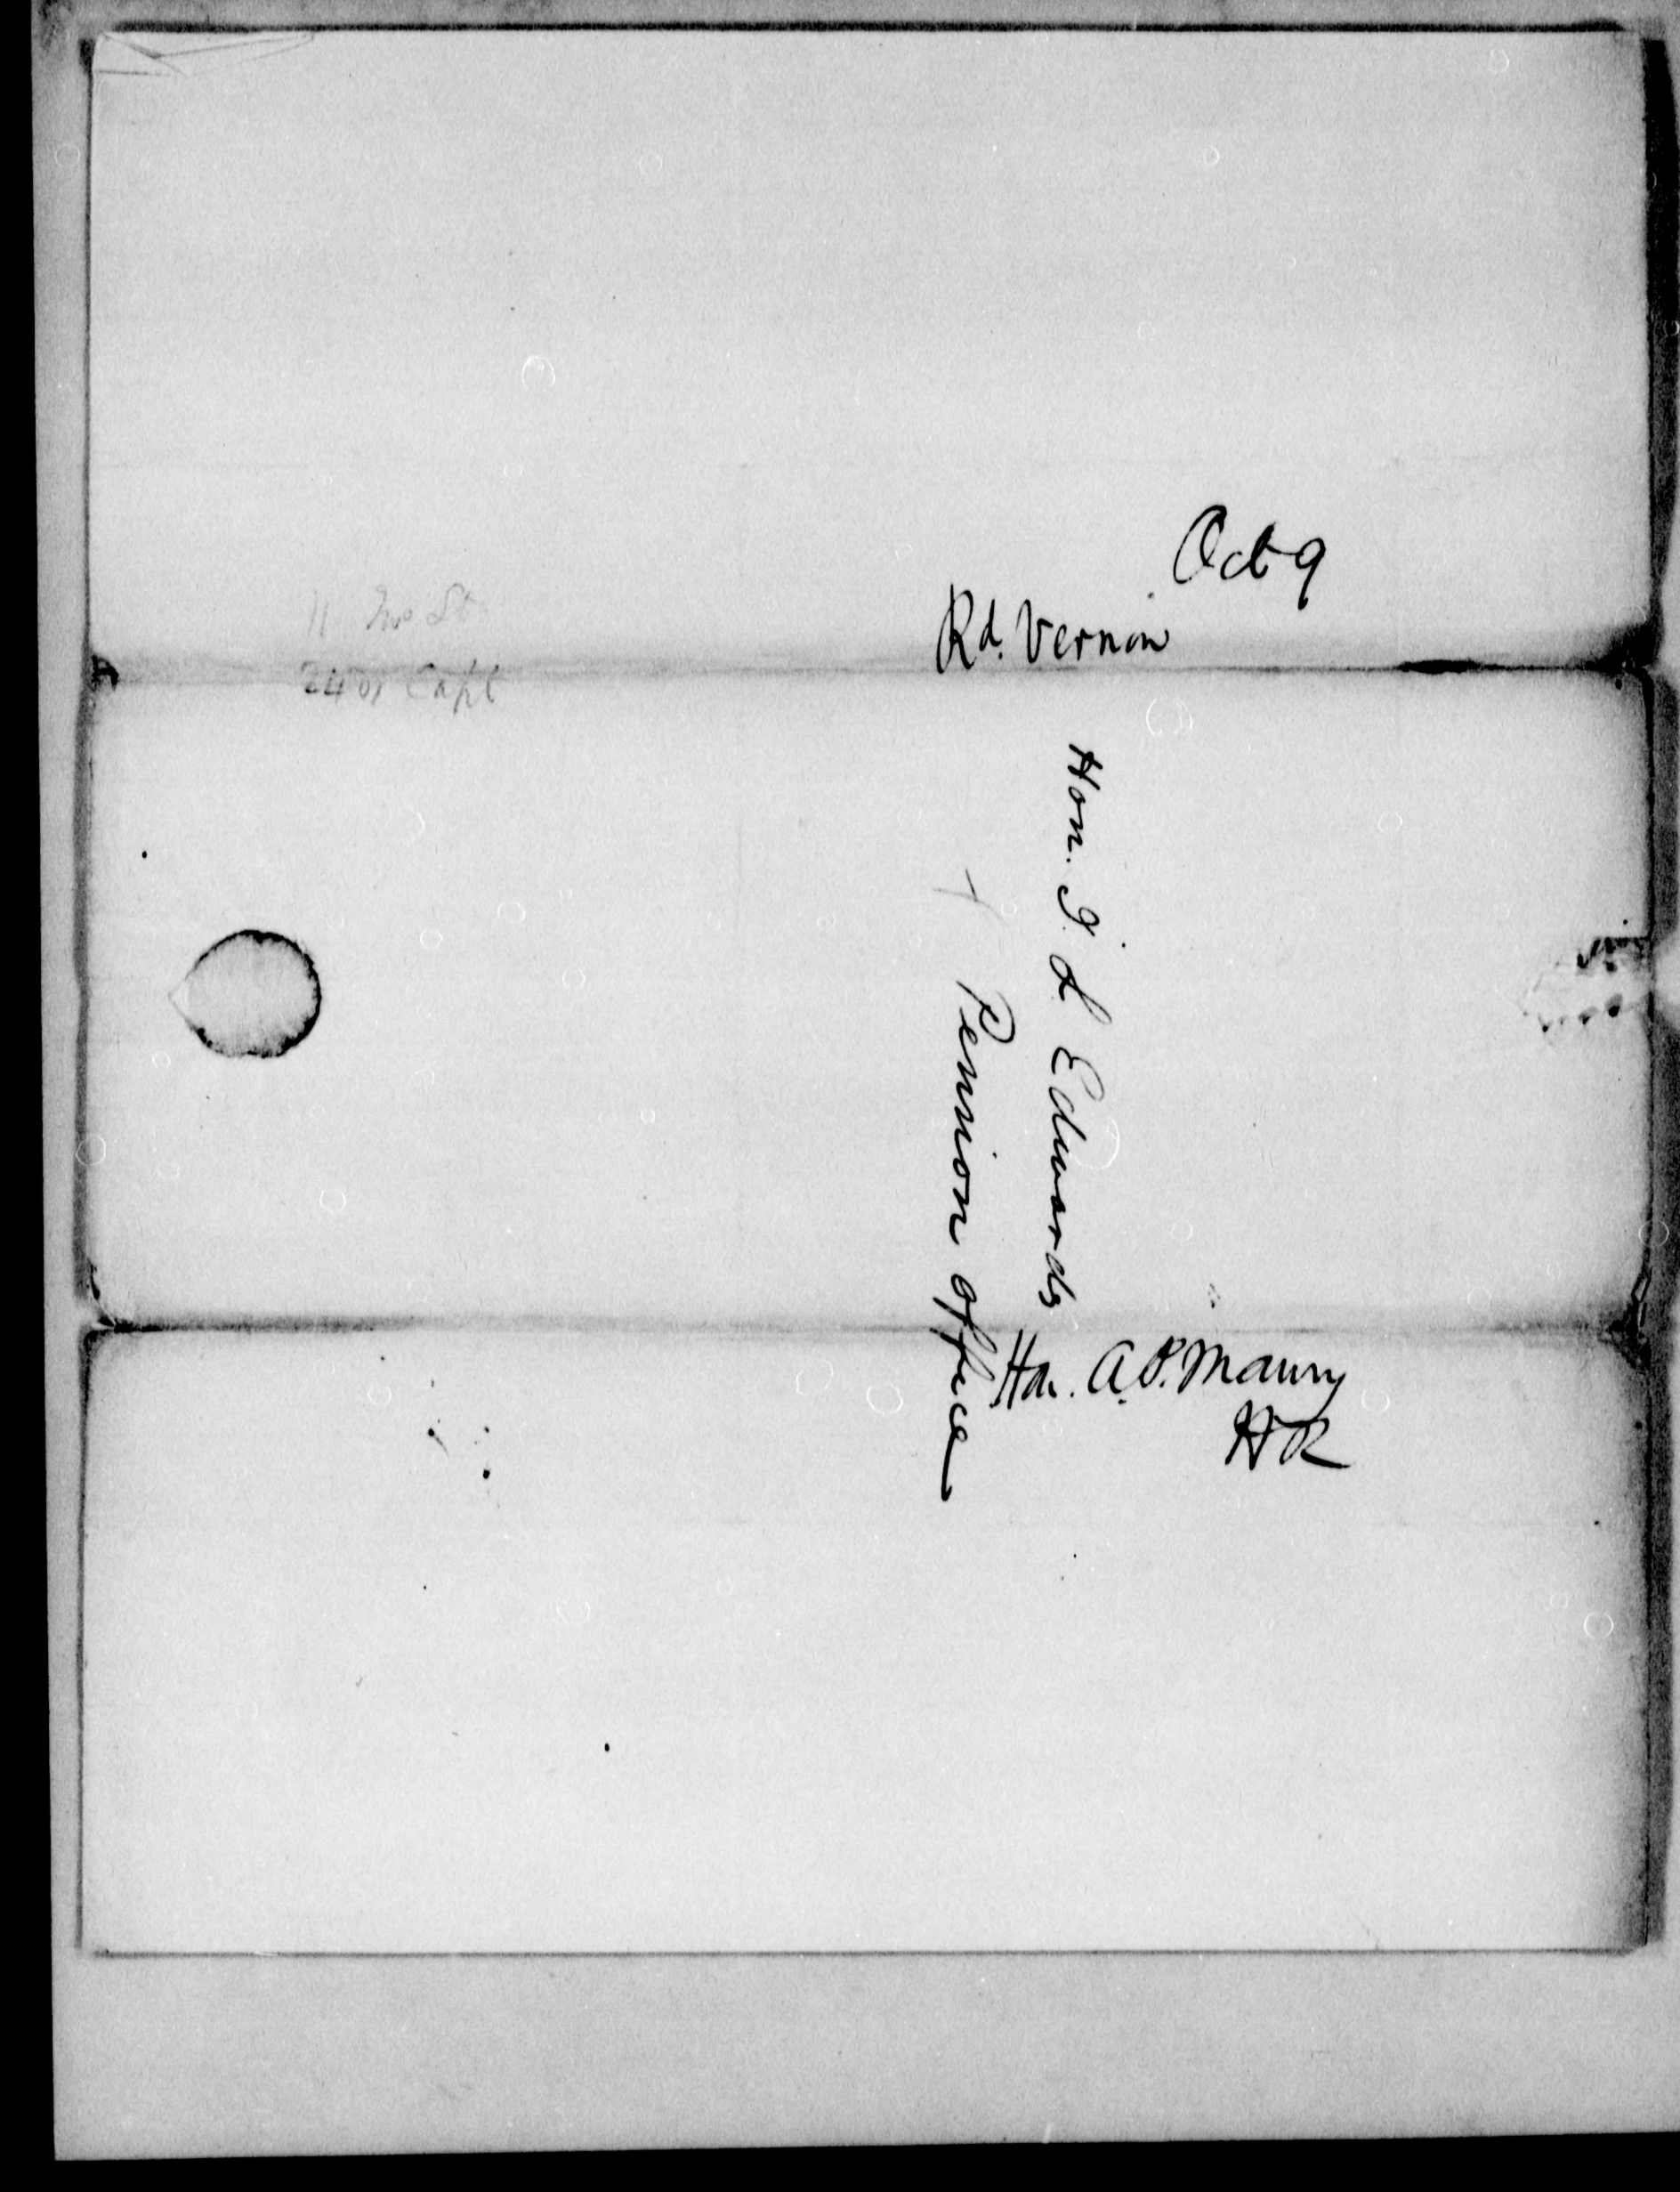11 Mo. Lt.
24 ds. Capt
Oct 9
Rd. Vernon
Hon. J L Edwards
Pension Office 
A. P. Maury
HR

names: A P Maury, Rd Vernon, J L Edwards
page: 71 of 105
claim: survivor's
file: S. 1883, Richard Vernon, N.C.